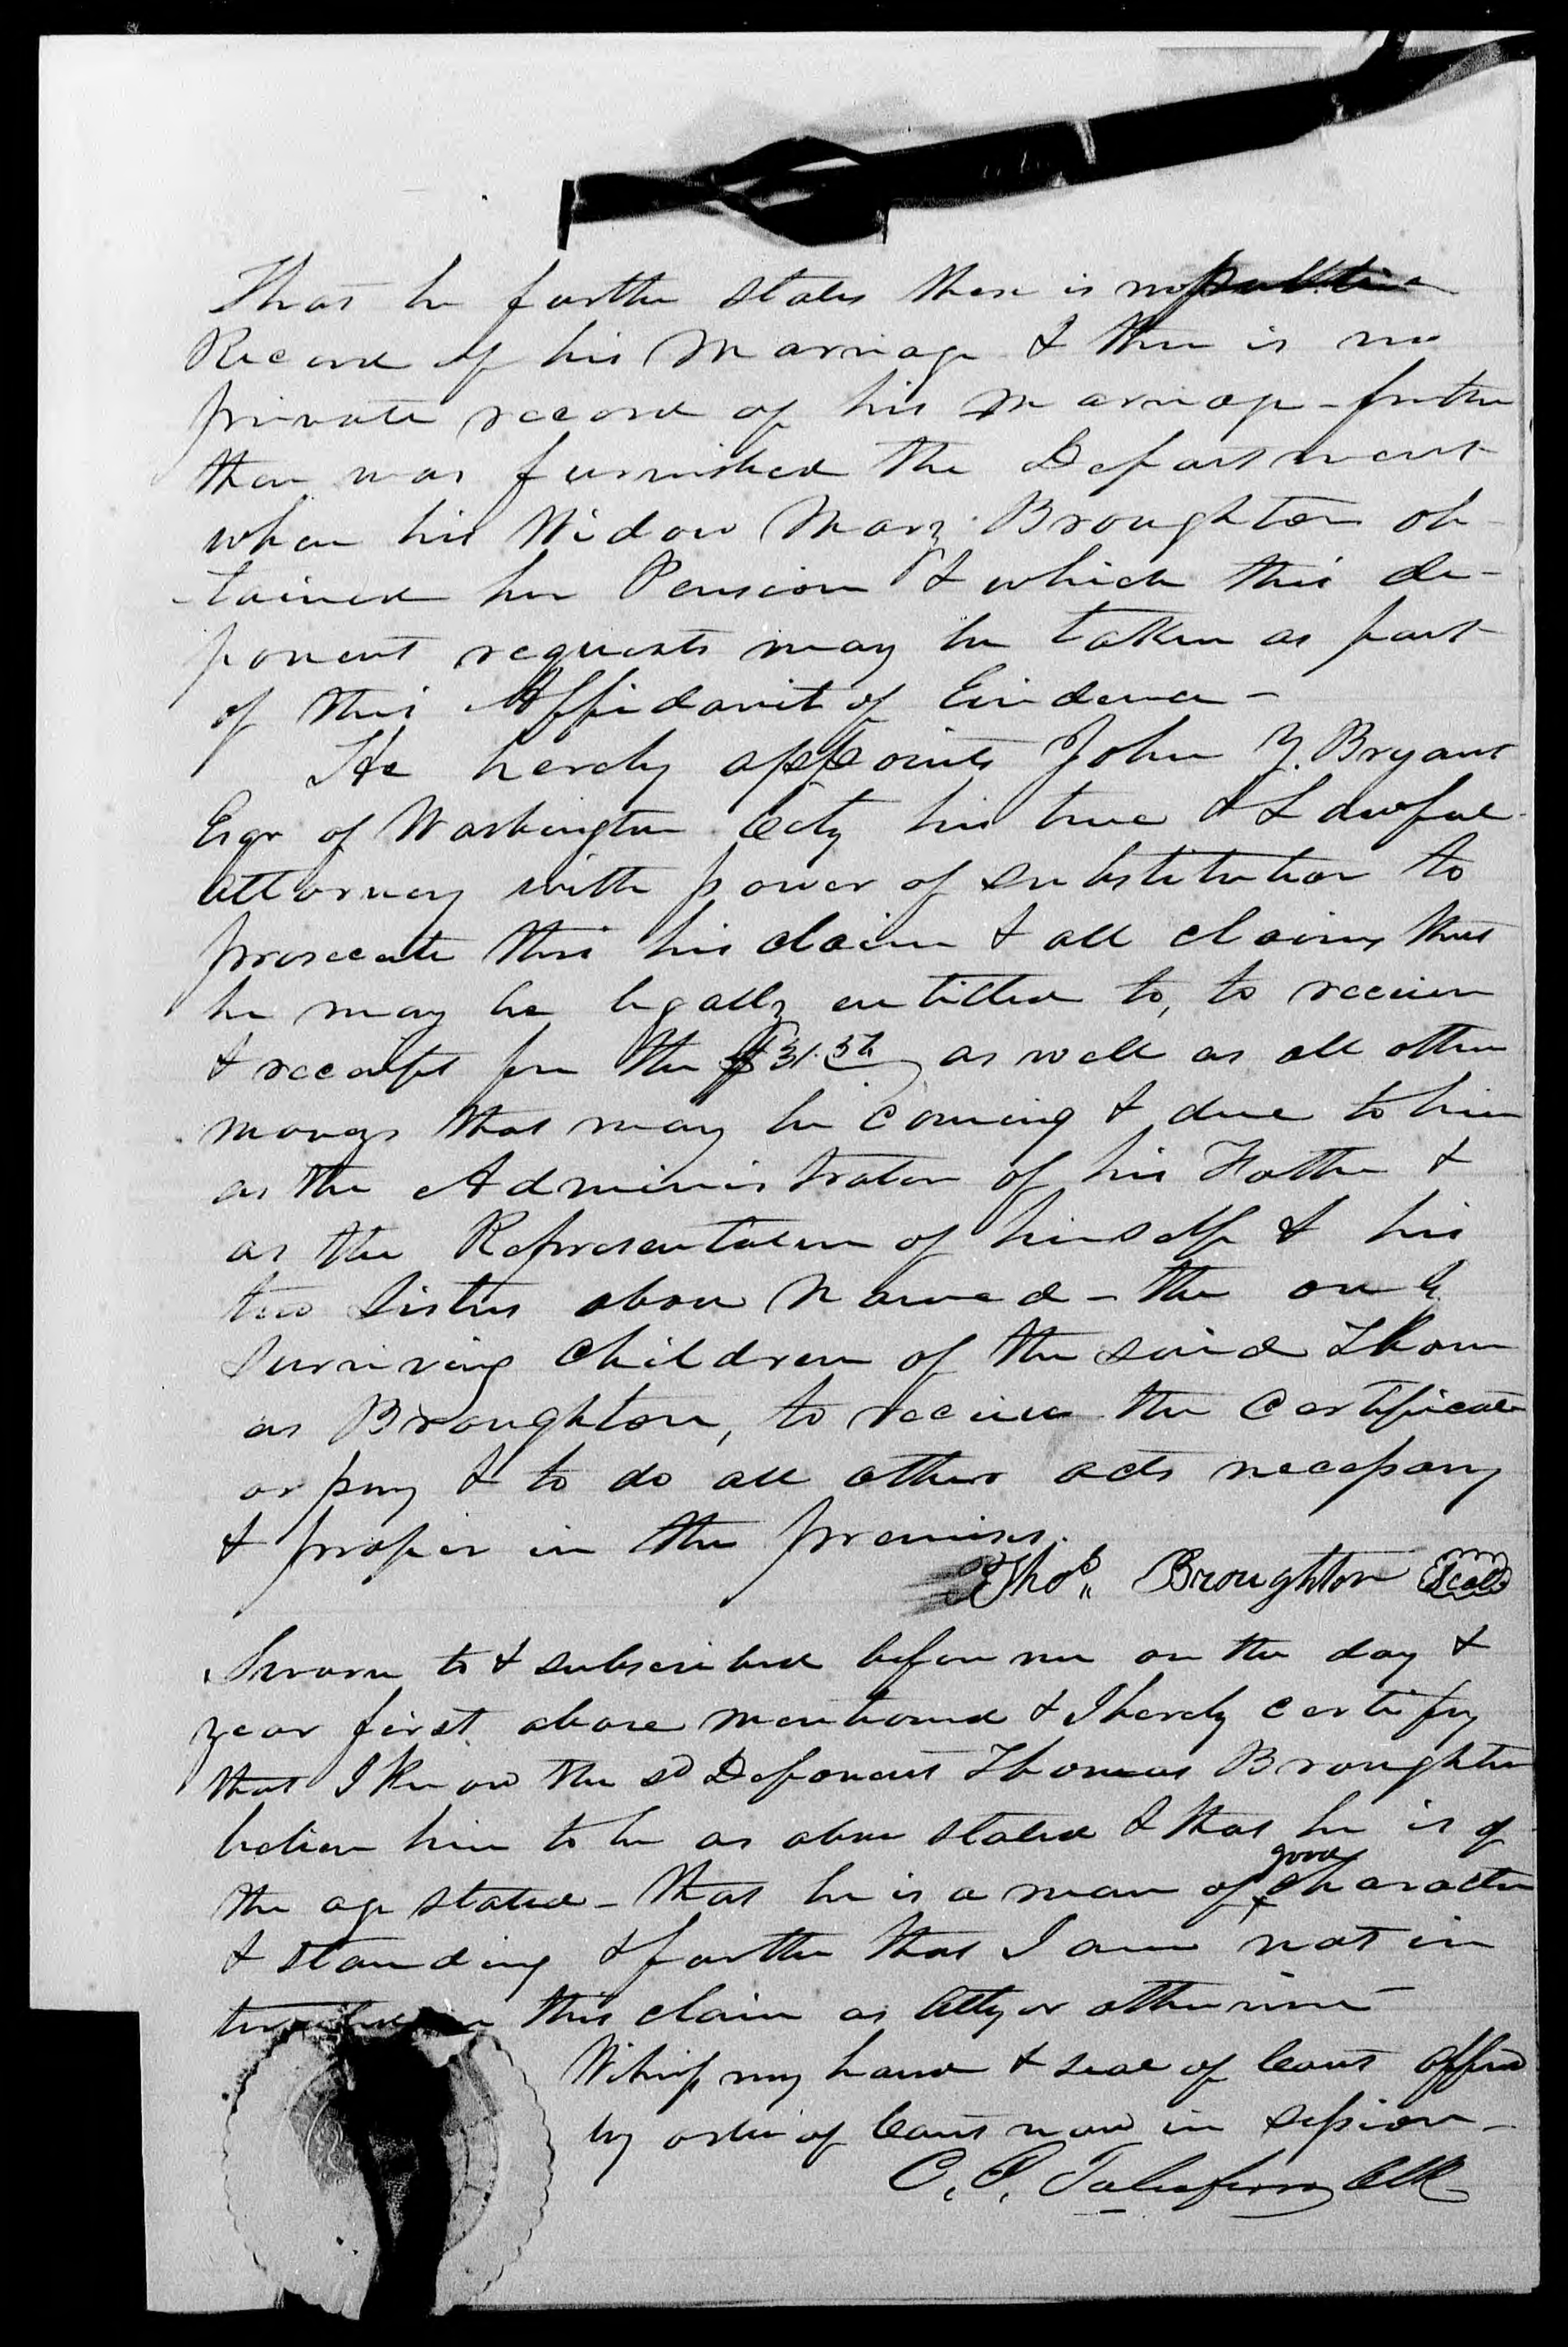That he further states there is no record of his marriage & there is no private record of his marriage - further than was furnished the Department  when his widow Mary Broughton obtained her Pension & which this deponant requests may be taken as part of this affidavit of evidence.
He hereby appoints John Y. Bryant Esqr. of Washington City his true & lawful Attorney with power of substitution to prosecute this his claim & all claims that he may be by all entitled to to receive & receipt for the $31.54 as well as all other moneys that may be coming & due to him as the Administrator of his Father & as the Representation of himself & his two sisters above named - the only surviving children of the said Thomas Broughton, to receive the certificate or pay & to do all other acts necessary & proper in the premises.
Thos. Broughton seal(circled)

Sworn to & subscribed before me on the day & year first above mentioned & I hereby certify that I know the sd. Deponant Thomas Broughton believe him to be as above stated & that he is of the age stated. That he is a man of good character & standing & further that I am not interested in this claim as Atty or otherwise. Witness my hand & seal of Court office by order of Court now in session
C. P. Talioferro Clk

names: C P Talioferro, Mary Broughton, John Y Bryant, Thomas Broughton, Thos Broughton, Thomas Broughton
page: 24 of 72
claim: widow's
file: W. 897, Thomas Broughton, S.C.